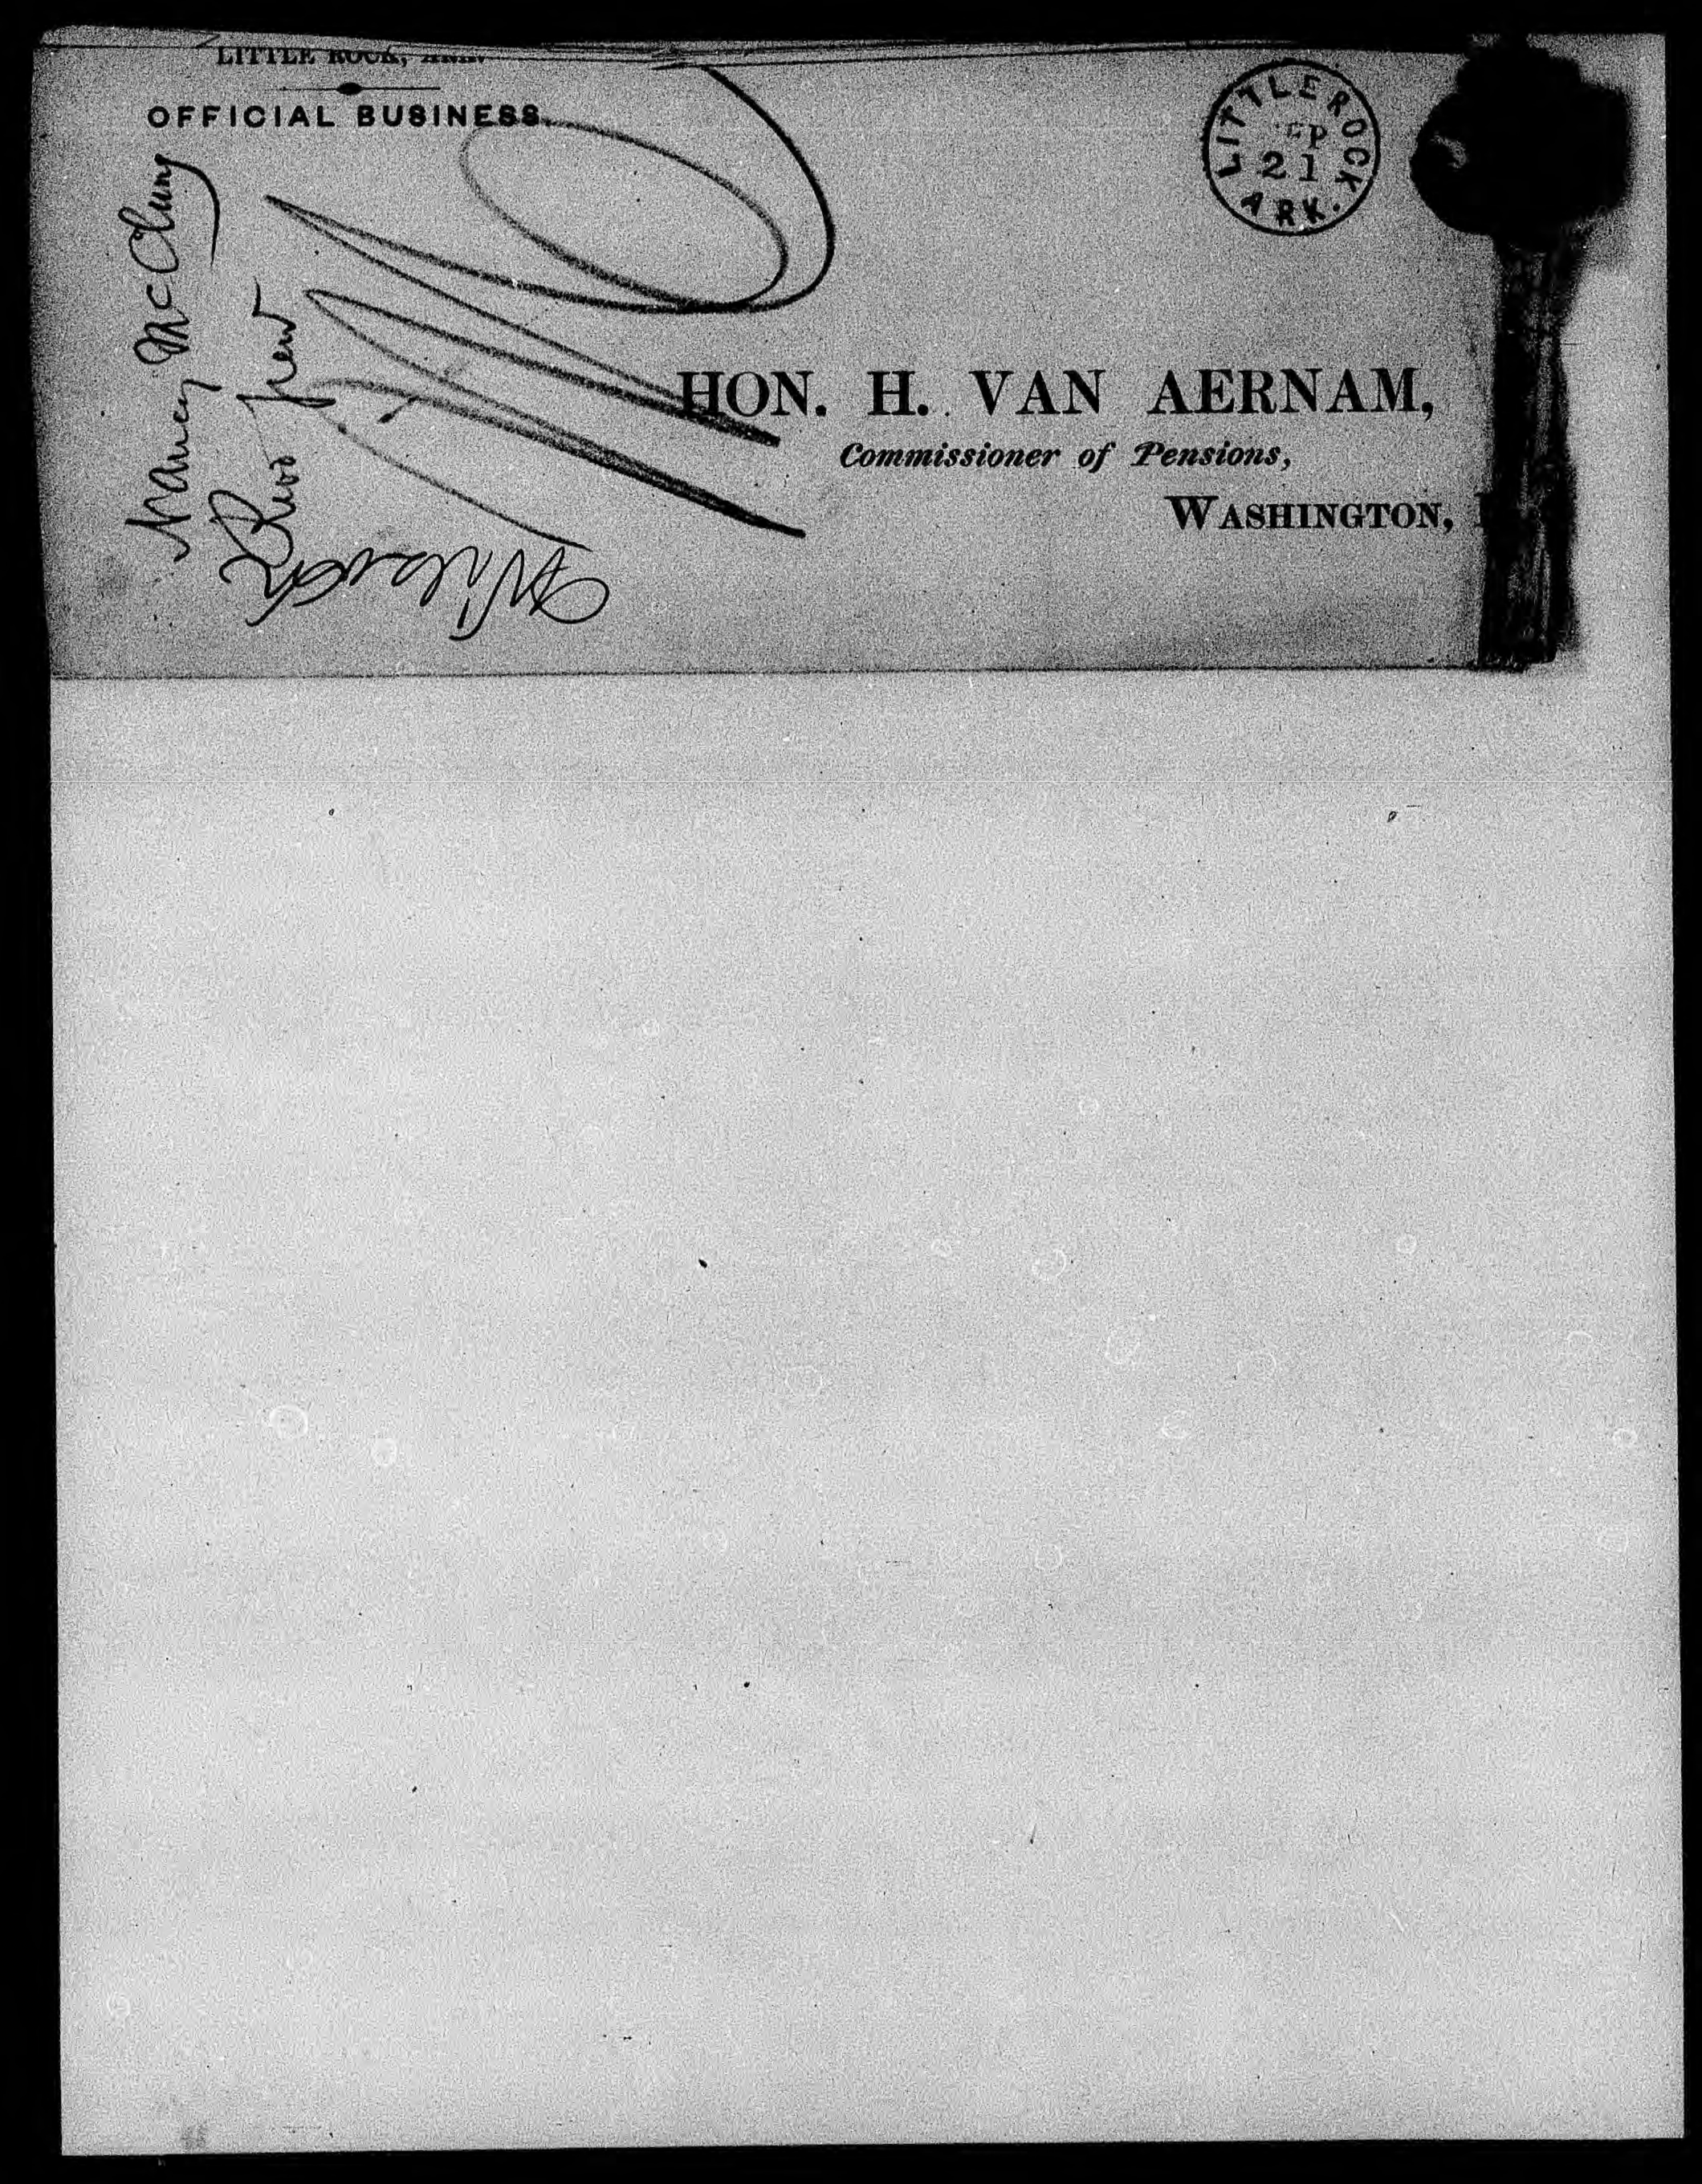WO

LITTLE ROCK, [illegible]
_____
OFFICIAL BUSINESS.

[illegible postage stamp]

[postal mark]
LITTLEROCK 
EP
21
ARK


HON.  H. VAN AERNAM,
Commissioner of Pensions,
WASHINGTON,

Nancy Mc Clung
Revo [illegible]

Wilson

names: Nancy Mc Clung; H Van Aernam; [BLANK] Wilson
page: 58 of 115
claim: widow's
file: W. 1446, for John Mc Clung, South Carolina